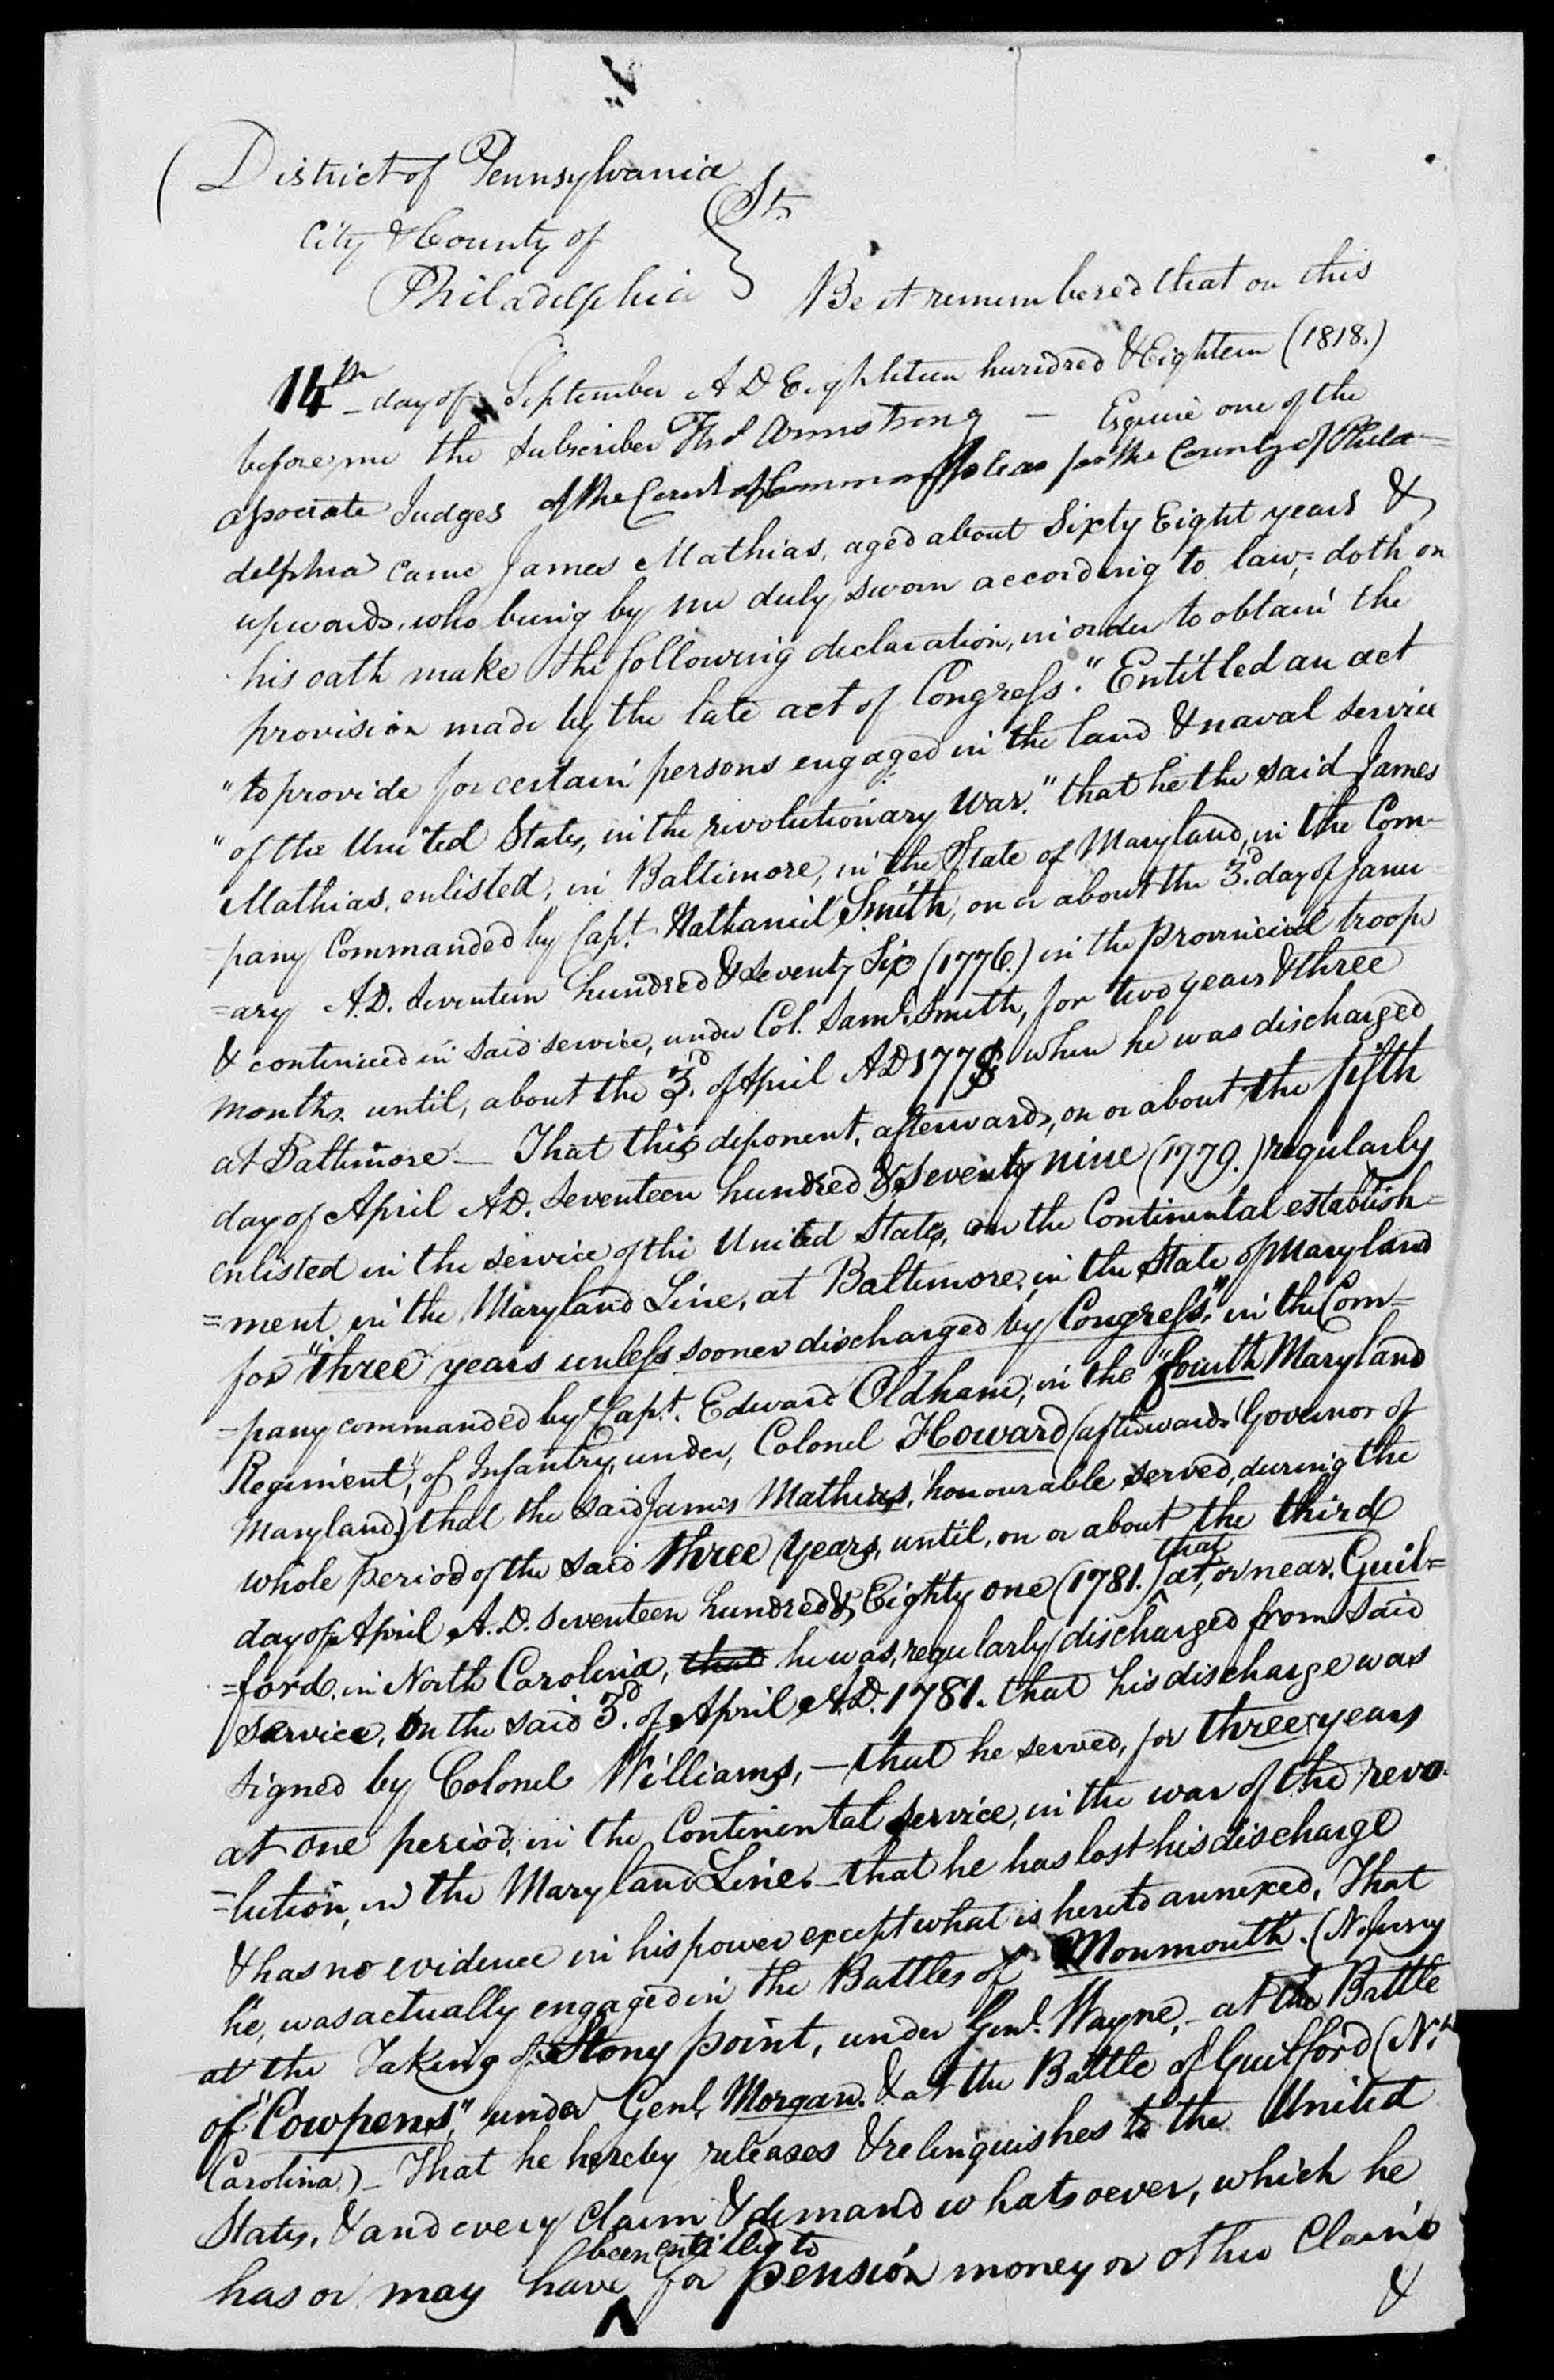District of Pennsylvania
City & County of ....St
Philadelphia ...*    Be it remembered that on this 14th day of September AD Eighteen hundred & Eighteen (1818) before me the Subscribed Tho. Armstrong - Esquire one of the associate Judges of the Court of Common Pleas for the Court of Philadelphia came James Mathias, aged about Sixty Eight years & upwards, who being by me duly sworn according to law, doth on his oath make the following declaration, in order to obtain the provision made by the late act of Congress, Entitled "an act to provide for certain persons engaged in the land & naval service of the State, in the revolutionary War". that he the said James Mathias, enlisted, in Baltimore in the State of Maryland, in the company commanded by Capt Nathaniel Smith, on or about the 3d day of January A.S. Seventeen hundred and seventy six (1776) in the Provincial troops & continued in said service, under Col. Saml Smith, for two years & three months until about the 3rd  of April AD 1778 when he was discharged at Baltimore. That this deponent, afterwards, on or about the fifth day of April AD. Seventeen hundred seventy nine (1779) regularly enlisted in the service of the United States, in the Continental establishment in the Maryland Line, at Baltimore in the State of Maryland
for three years unless sooner discharged by Congress in the company commanded by Capt Edward Oldham, in the fourth Maryland Regiment of Infantry under Colonel Howard (afterwards Governor of Maryland) that the said James Mathias, honourable served during the whole period of the said three years until on or about the third day of April A.D. Seventeen hundred & Eighty one (1781) that at or near Guilford in North Carolina, he was regularly discharged from said service, on the said 3 of April A.D. 1781, that his discharge was Signed by Colonel Williams, - that he served for three years at one period in the Continental service, in the war of the revolution in the Maryland Line - that he has lost his discharge & has no evidence in his power except what is hereto annexed. That he was actually engaged in the Battles of Monmouth (N Jersey)  at the taking of Stony Point, under Genl Wayne, at the Battle of Cowpens under Genl Morgan & the Battle of Guilford ( N. Carolina), that he hereby releases & relinquishes to the United States and every claim & demand whatsoever, which he
has or may have been entitled to pension money or other Claim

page: 4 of 20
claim: survivor's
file: S. 40,119, for James Mathias, Maryland